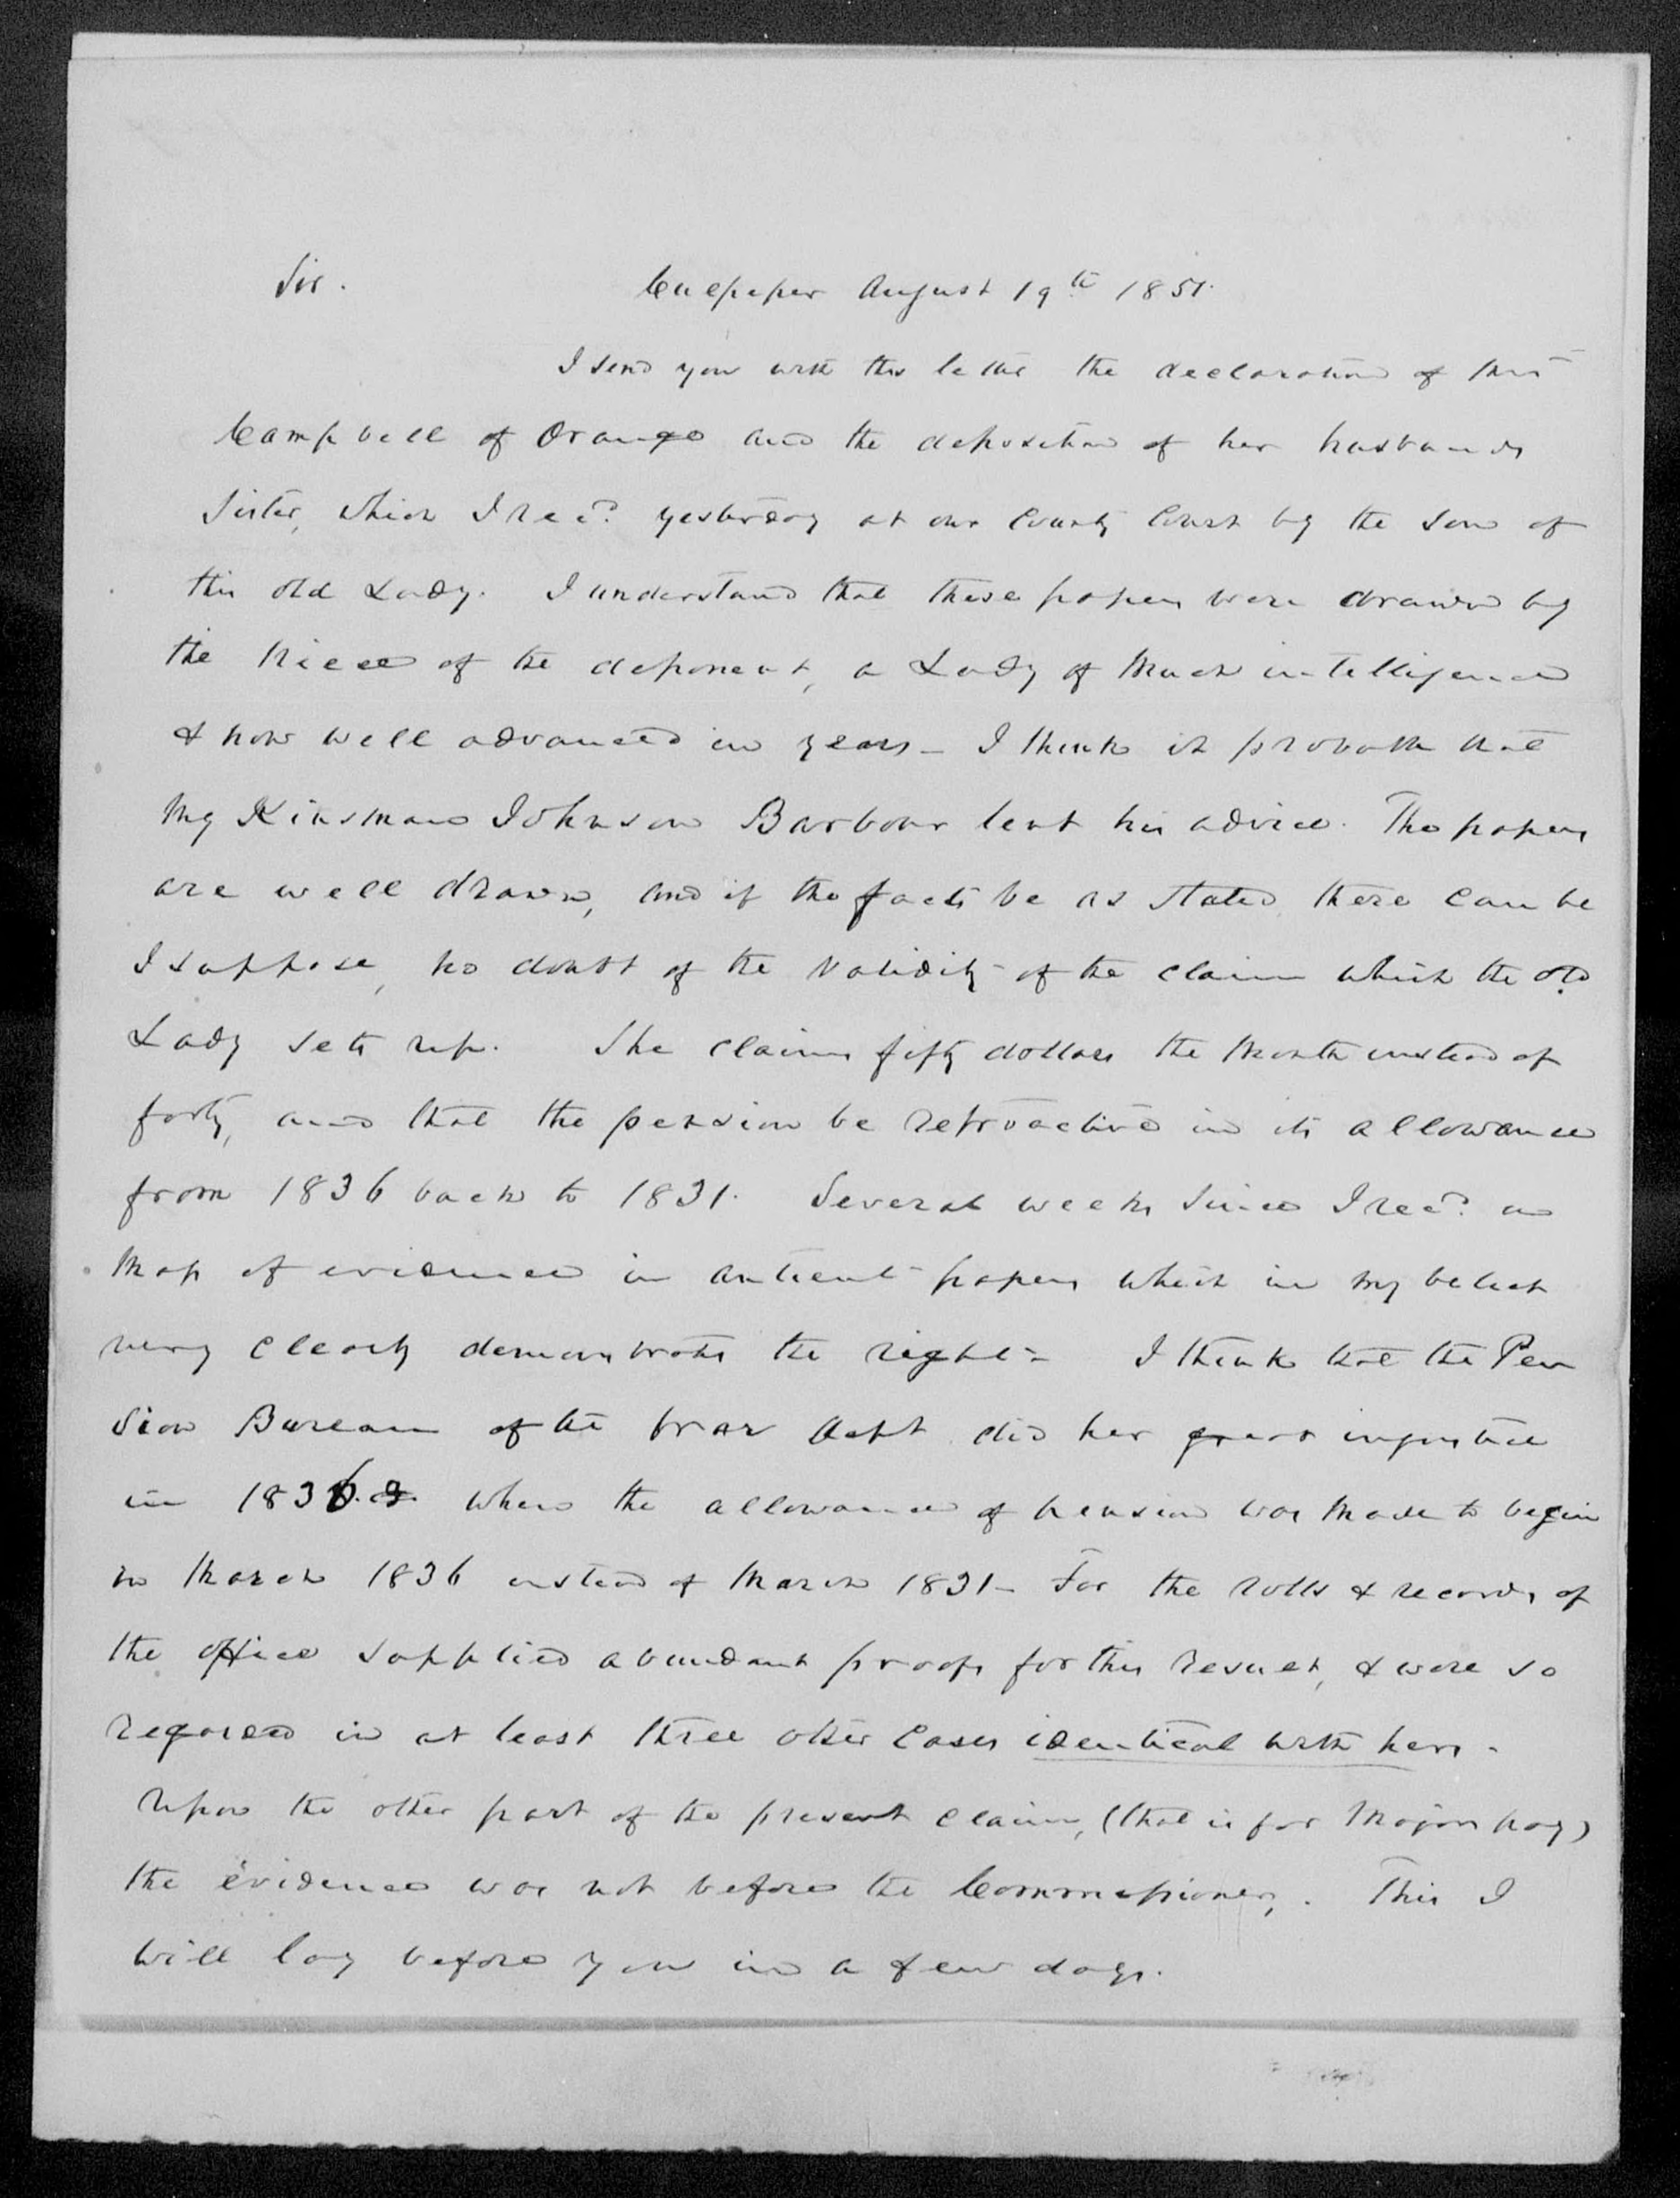Culpeper August 19th 1857

Sir.
I send you with this letter the declaration of Mrs. Campbell or Orange and the deposition of her husband's sister, which I rec'd yesterday at our county court by the son of this old lady.  I understand that these papers were drawn by the niece of the deponent, a lady of much intelligence & now well advanced in years.  I think it is probable that my kinsman Johnson Barbour lent his advice.  The papers are well drawn, and if the facts be as stated, there can be I support, no doubt of the validity of the claim which the old lady sets out.  She claims fifty dollars the month instead of forty, and that the pension be retroactive in its allowance from 1836 back to 1831.  Several weeks since I rec'd a map of evidence in ancient papers, which in my belief very clearly demonstrates the right.  I think that the Pension Bureau of the War Dept. did her great injustice in 1836 when the allowance of pension was made to begin in March 1836 instead of March 1831.  For the roles & record of the office supplied abundant proofs for this result & were so recorded in at least three other cases identical with hers.  Upon the other part of the present claim,  (that is for   [illegible] pay) the evidence was not before the Commissioner.  this i will lay before you in a few days.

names: Johnson Barbour, Campbell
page: 202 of 267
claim: widow's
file: W. 4,149, William Campbell, Va.